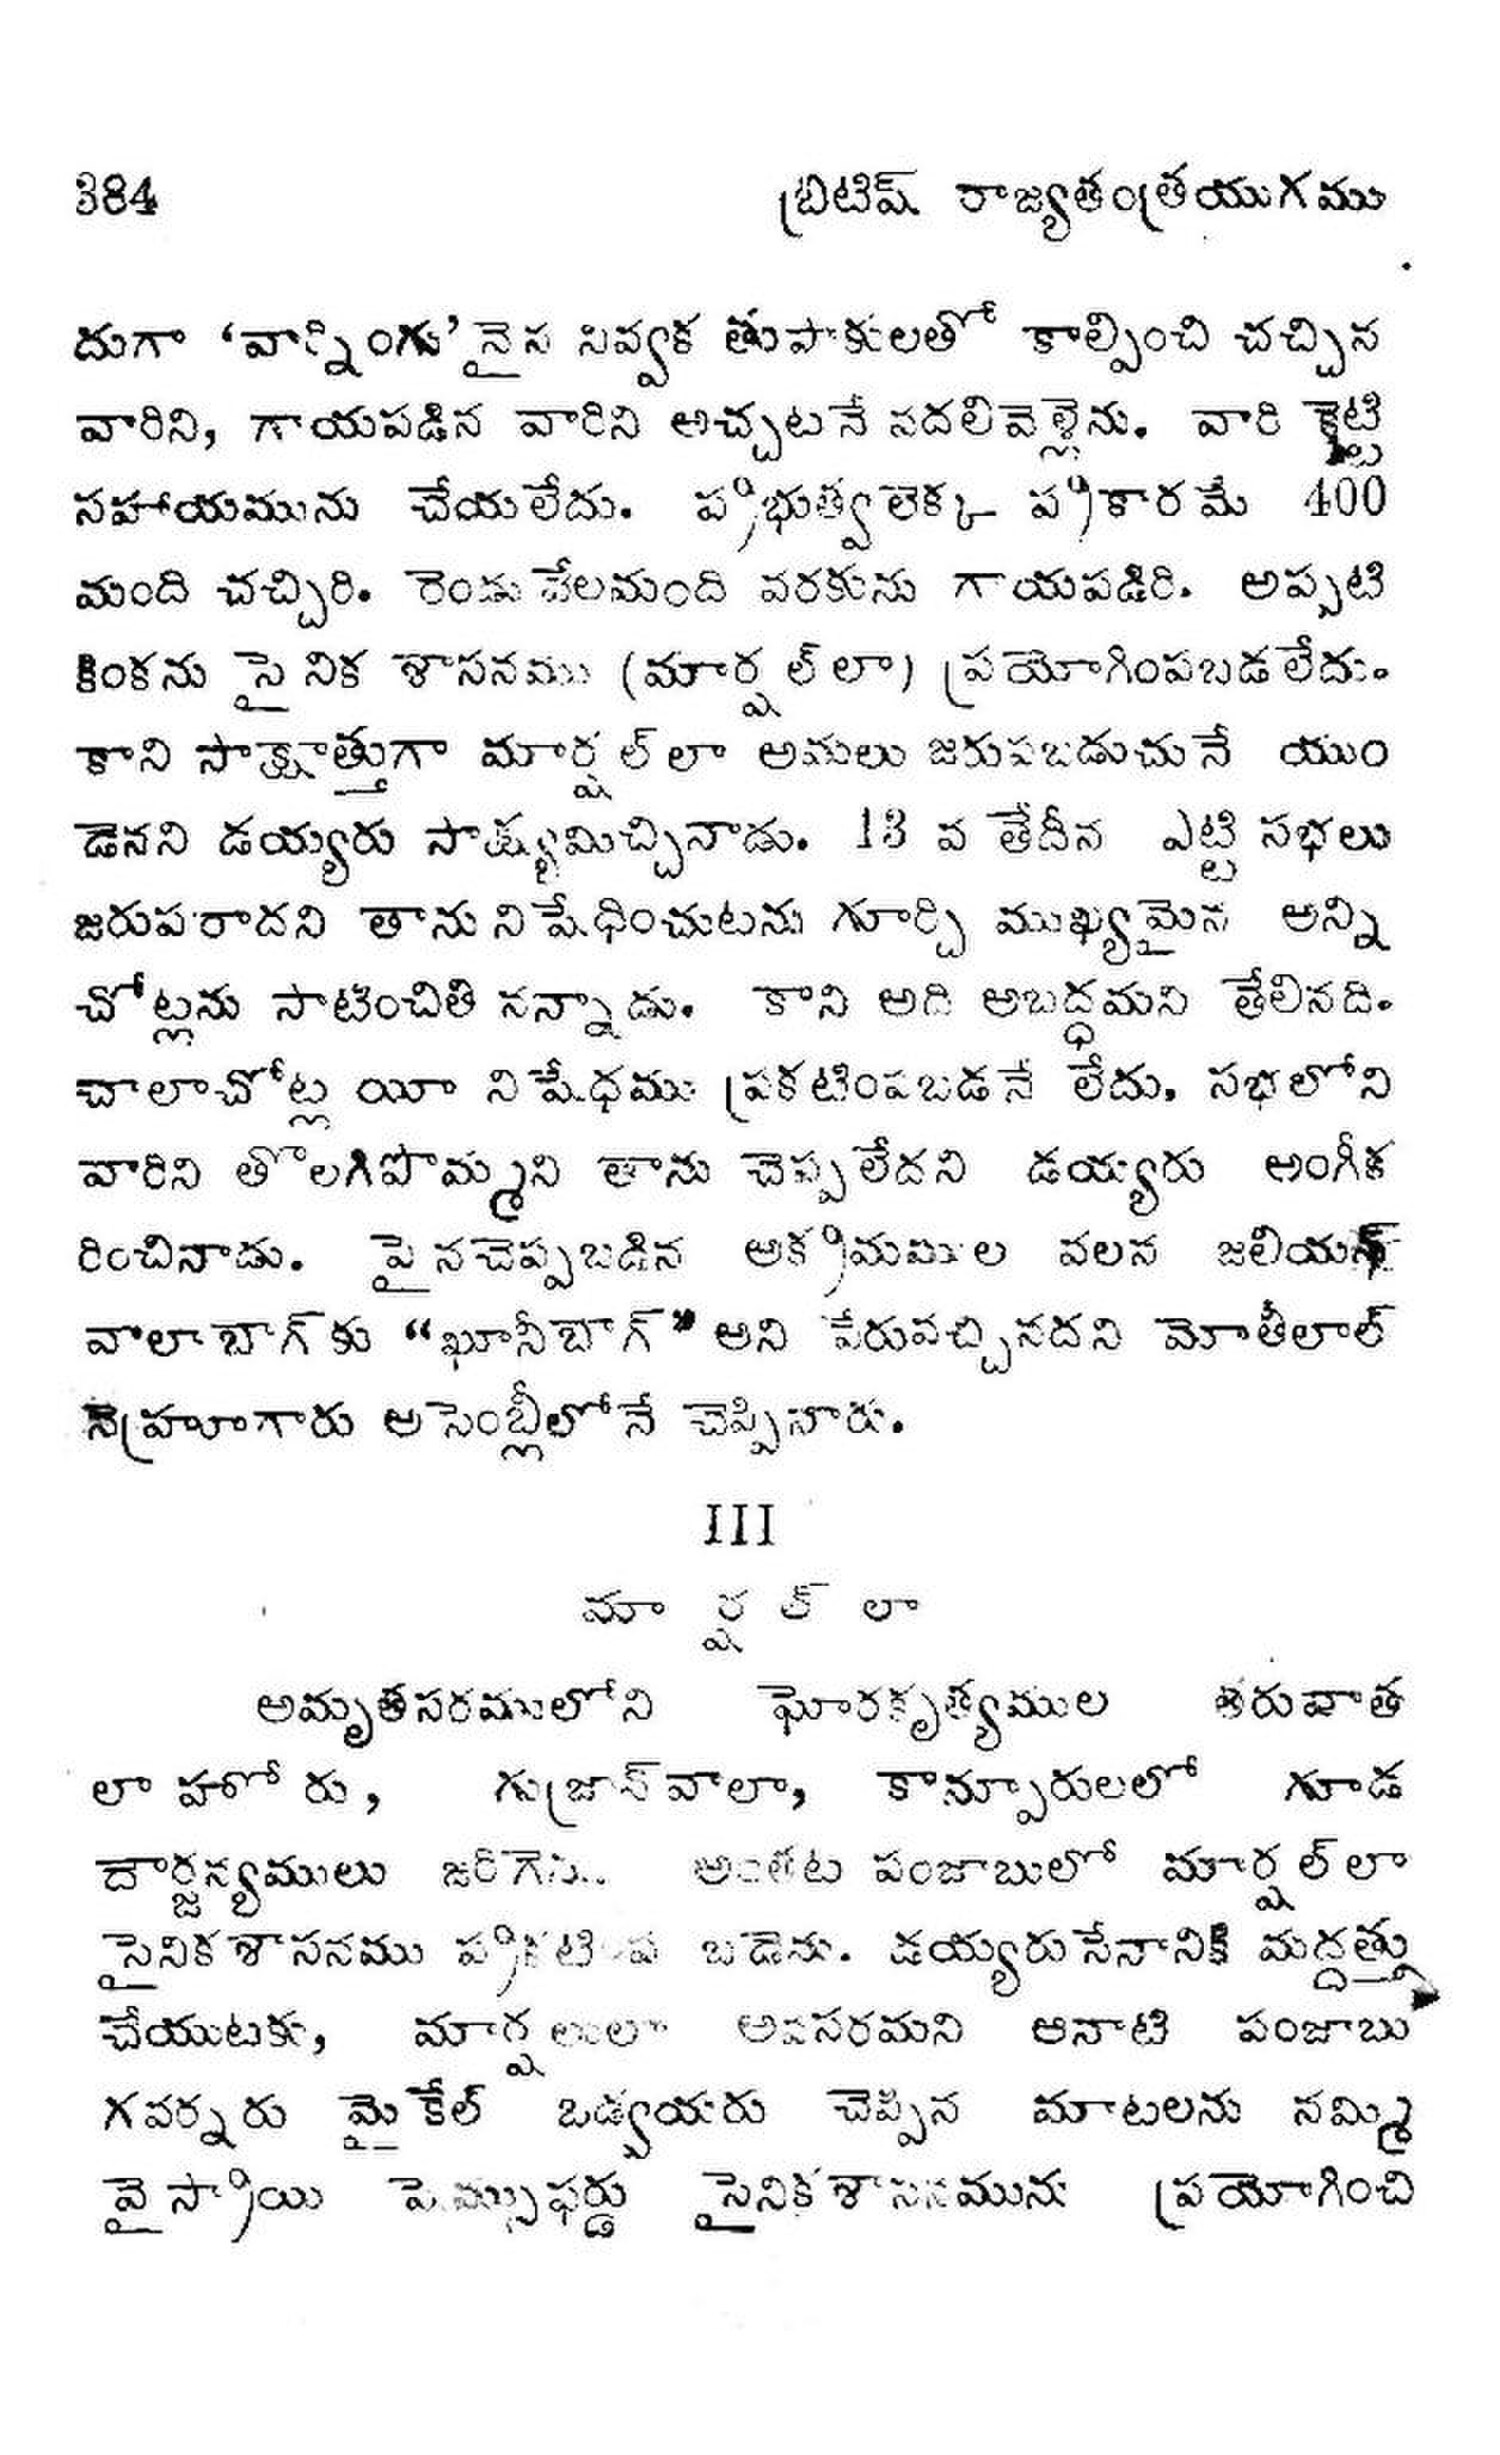దుగా 'వార్నింగు' నైన నివ్వక తుపాకులతో కాల్పించి చచ్చినవారిని, గాయపడిన వారిని అచ్చటనే వదలివెళ్లెను. వారి కెట్టి సహాయమును చేయలేదు. ప్రభుత్వలెక్క ప్రకారమే 400 మంది చచ్చిరి. రెండు వేలమంది వరకును గాయపడిరి. అప్పటి కింకను సైనిక శాసనము (మార్షల్ లా) ప్రయోగింపబడలేదు. కాని సాక్షాత్తుగా మార్షల్ లా అమలు జరుపబడుచునే యుండెనని డయ్యరు సాక్ష్యమిచ్చినాడు. 13 వ తేదీన ఎట్టి సభలు జరుపరాదని తాను నిషేధించుటను గూర్చి ముఖ్యమైన అన్నిచోట్లను సాటించితి నన్నాడు. కాని అది అబద్దమని తేలినది. చాలాచోట్ల యీ ని షేధము ప్రకటింపబడనే లేదు. సభలోని వారిని తొలగిపొమ్మని తాను చెప్పలేదని డయ్యరు అంగీకరించినాడు. పైనచెప్పబడిన అక్రమముల వలన జలియన్ వాలాబాగ్‌కు “ఖూనీ బాగ్" అని పేరు వచ్చినదని మోతీలాల్ నెహ్రూగారు అసెంబ్లీలోనే చెప్పినారు.

III
మార్షల్ లా 

అమృతసరములోని ఘోరకృత్యముల తరువాత లాహోరు, గుజ్రాన్‌వాలా, కాన్పూరులలో గూడ దౌర్జన్యములు జరిగెను. ఆంతట పంజాబులో మార్షల్ లా సైనికశాసనము ప్రకటింప బడెను. డయ్యరుసేనానికి మద్దత్తు చేయుటకు, మార్షలులా అవసరమని ఆనాటి పంజాబు గవర్నరు మైకేల్ ఒడ్వయరు చెప్పిన మాటలను నమ్మి వైస్రాయి షెమ్సుఫర్డు సైనికశాసనమును ప్రయోగించి